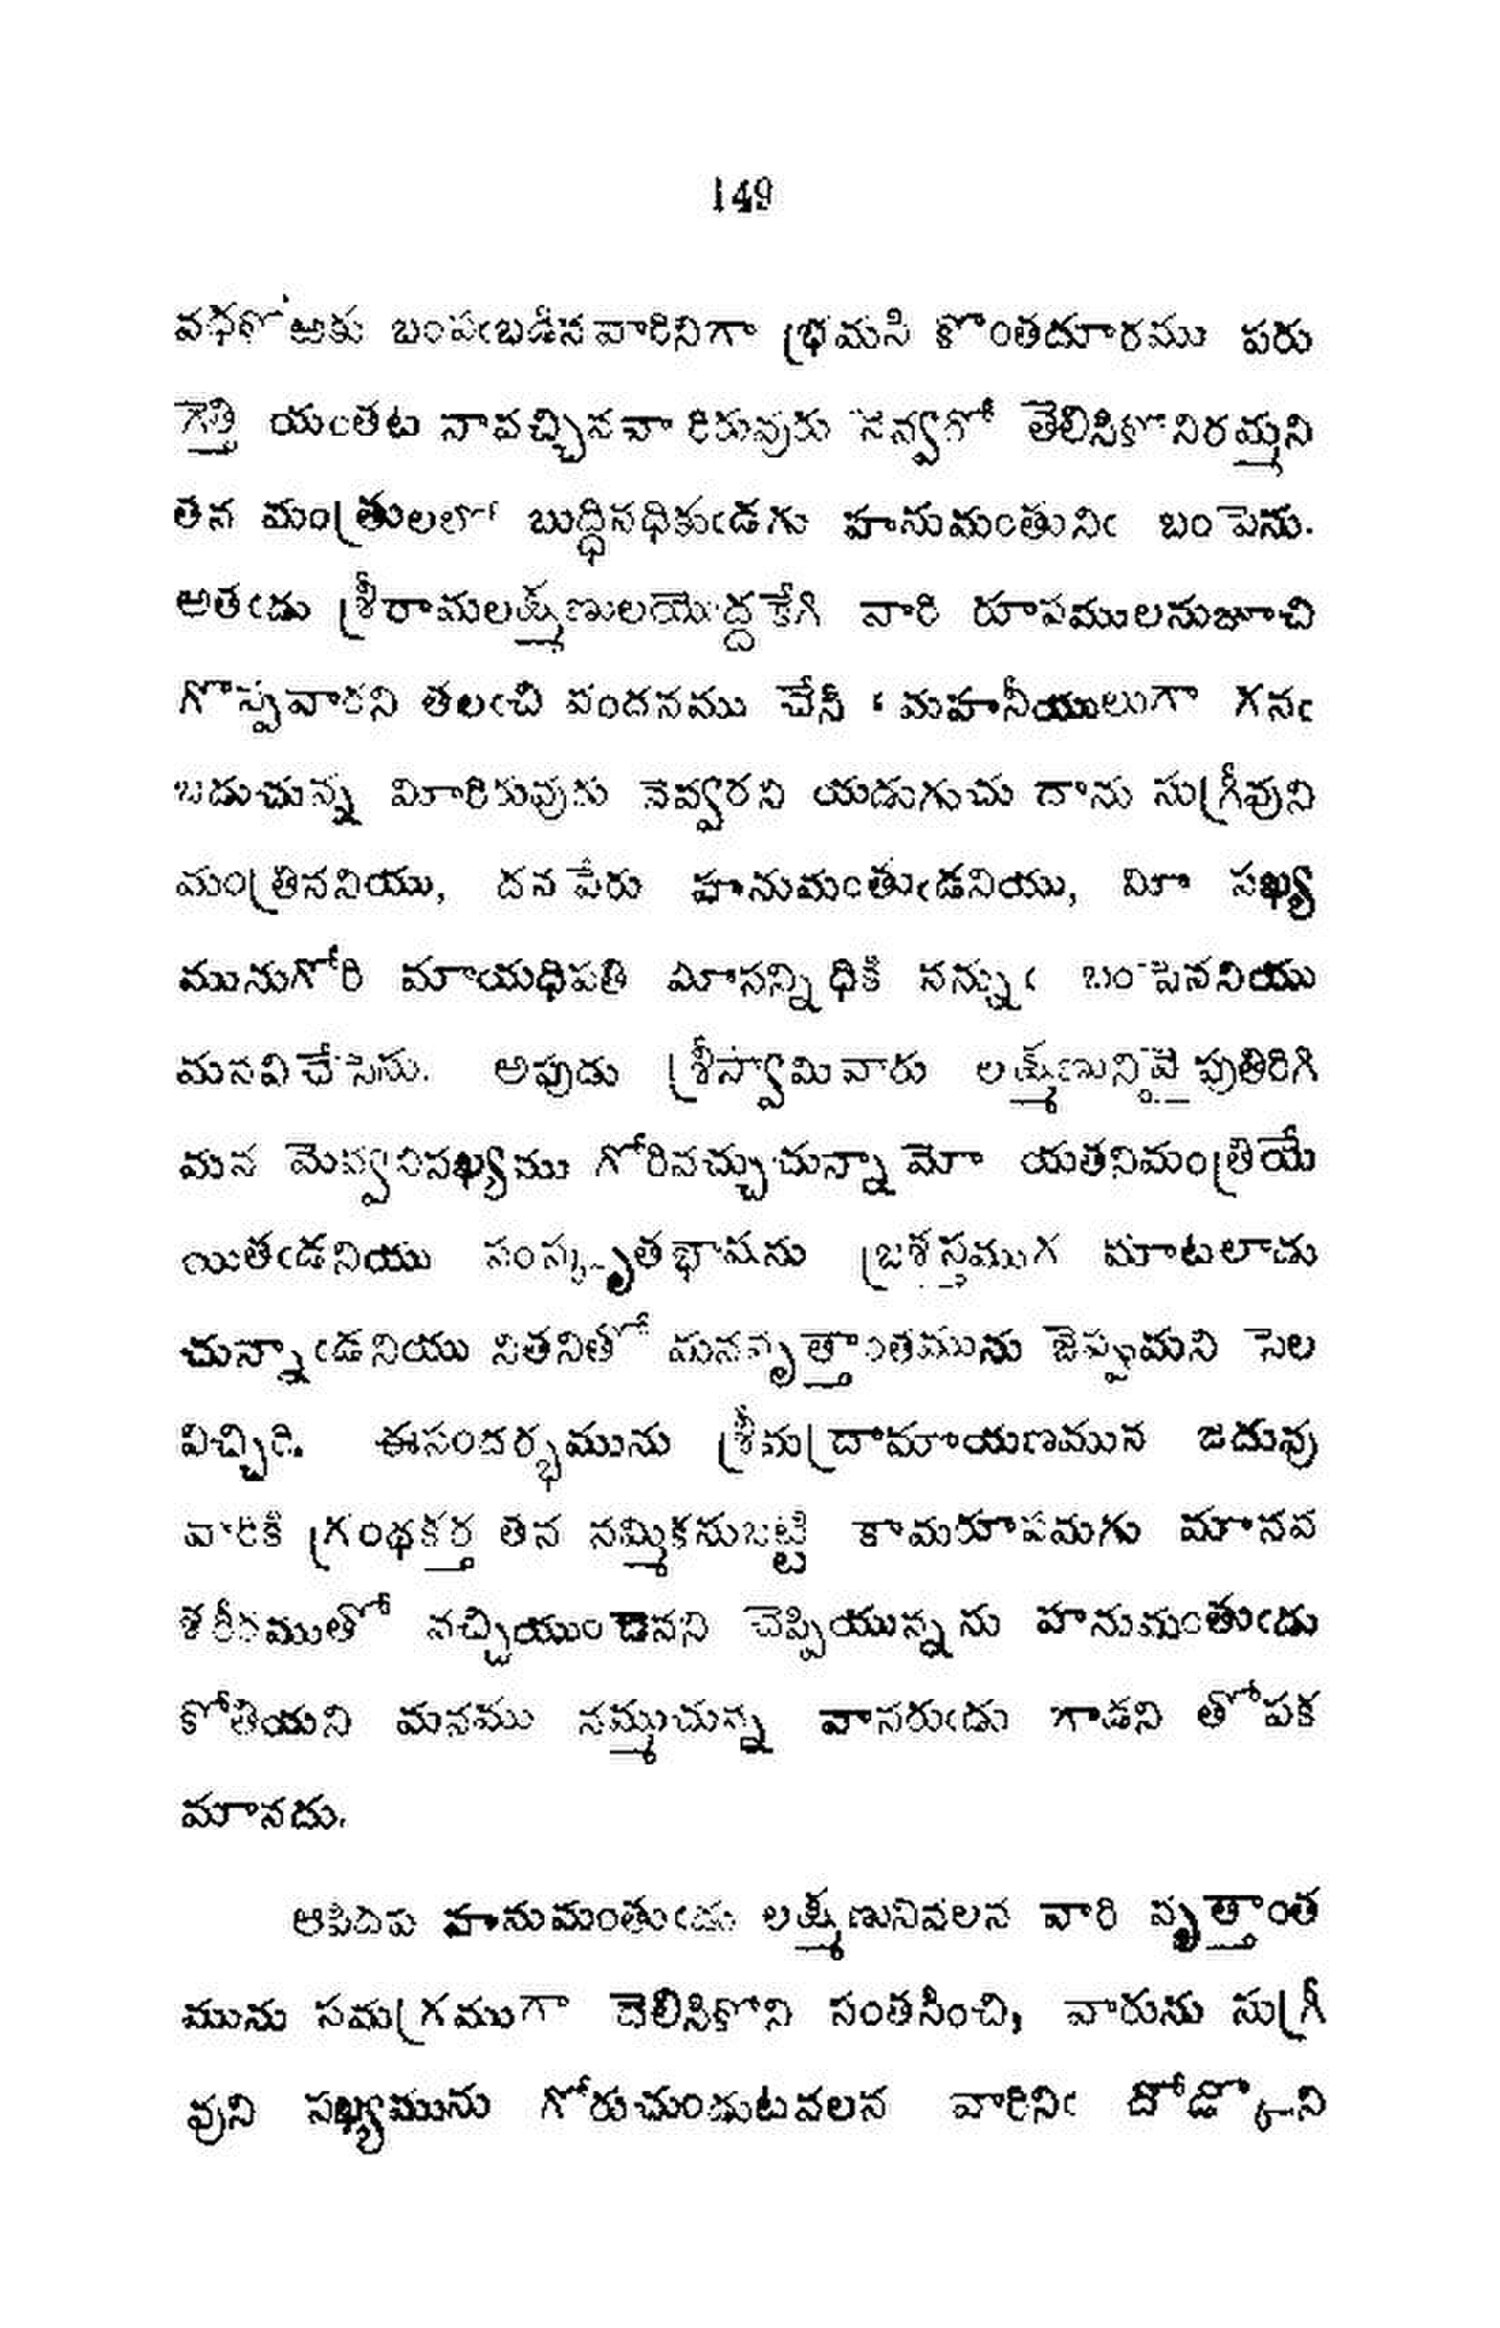వధకొఱకు బంపఁబడినవారినిగా భ్రమసి కొంతదూరము పరుగెత్తి యంతట నావచ్చినవా రిరువురు నెవ్వరో తెలిసికొనిరమ్మని తన మంత్రులలో బుద్ధినధికుఁడగు హనుమంతునిఁ బంపెను. అతఁడు శ్రీరామలక్ష్మణులయొద్దకేగి వారి రూపములనుజూచి గొప్పవారని తలఁచి వందనము చేసి 'మహనీయులుగా గనఁబడుచున్న మీరిరువురు నెవ్వరని యడుగుచు దాను సుగ్రీవుని మంత్రియనియు, దనపేరు హనుమంతుఁడనియు, మీ సఖ్యమునుగోరి మాయధిపతి మీసన్నిధికి నన్నుఁ బంపెననియు మనవిచేసెను. అపుడు శ్రీస్వామివారు లక్ష్మణునివైపు తిరిగి మన మెవ్వనిసఖ్యము గోరివచ్చుచున్నామో యతనిమంత్రియే యితఁడనియు సంస్కృతభాషను బ్రశస్తముగ మాటలాడు చున్నాఁడనియు నితనితో మనవృత్తాంతమును జెప్పుమని సెలవిచ్చిరి. ఈసందర్భమును శ్రీమద్రామాయణమున జదువు వారికి గ్రంథకర్త తన నమ్మికనుబట్టి కామరూపమగు మానవ
శరీరముతో వచ్చియుండెనని చెప్పియున్నను హనుమంతుఁడు కోతియని మనము నమ్ముచున్న వానరుఁడు గాడని తోపక మానదు.

ఆపిదప హనుమంతుఁడు. లక్ష్మణునివలన వారి వృత్తాంతమును సమగ్రముగా దెలిసికొని సంతసించి, వారును సుగ్రీవుని సఖ్యమును గోరుచుండుటవలన వారినిఁ దోడ్కొని